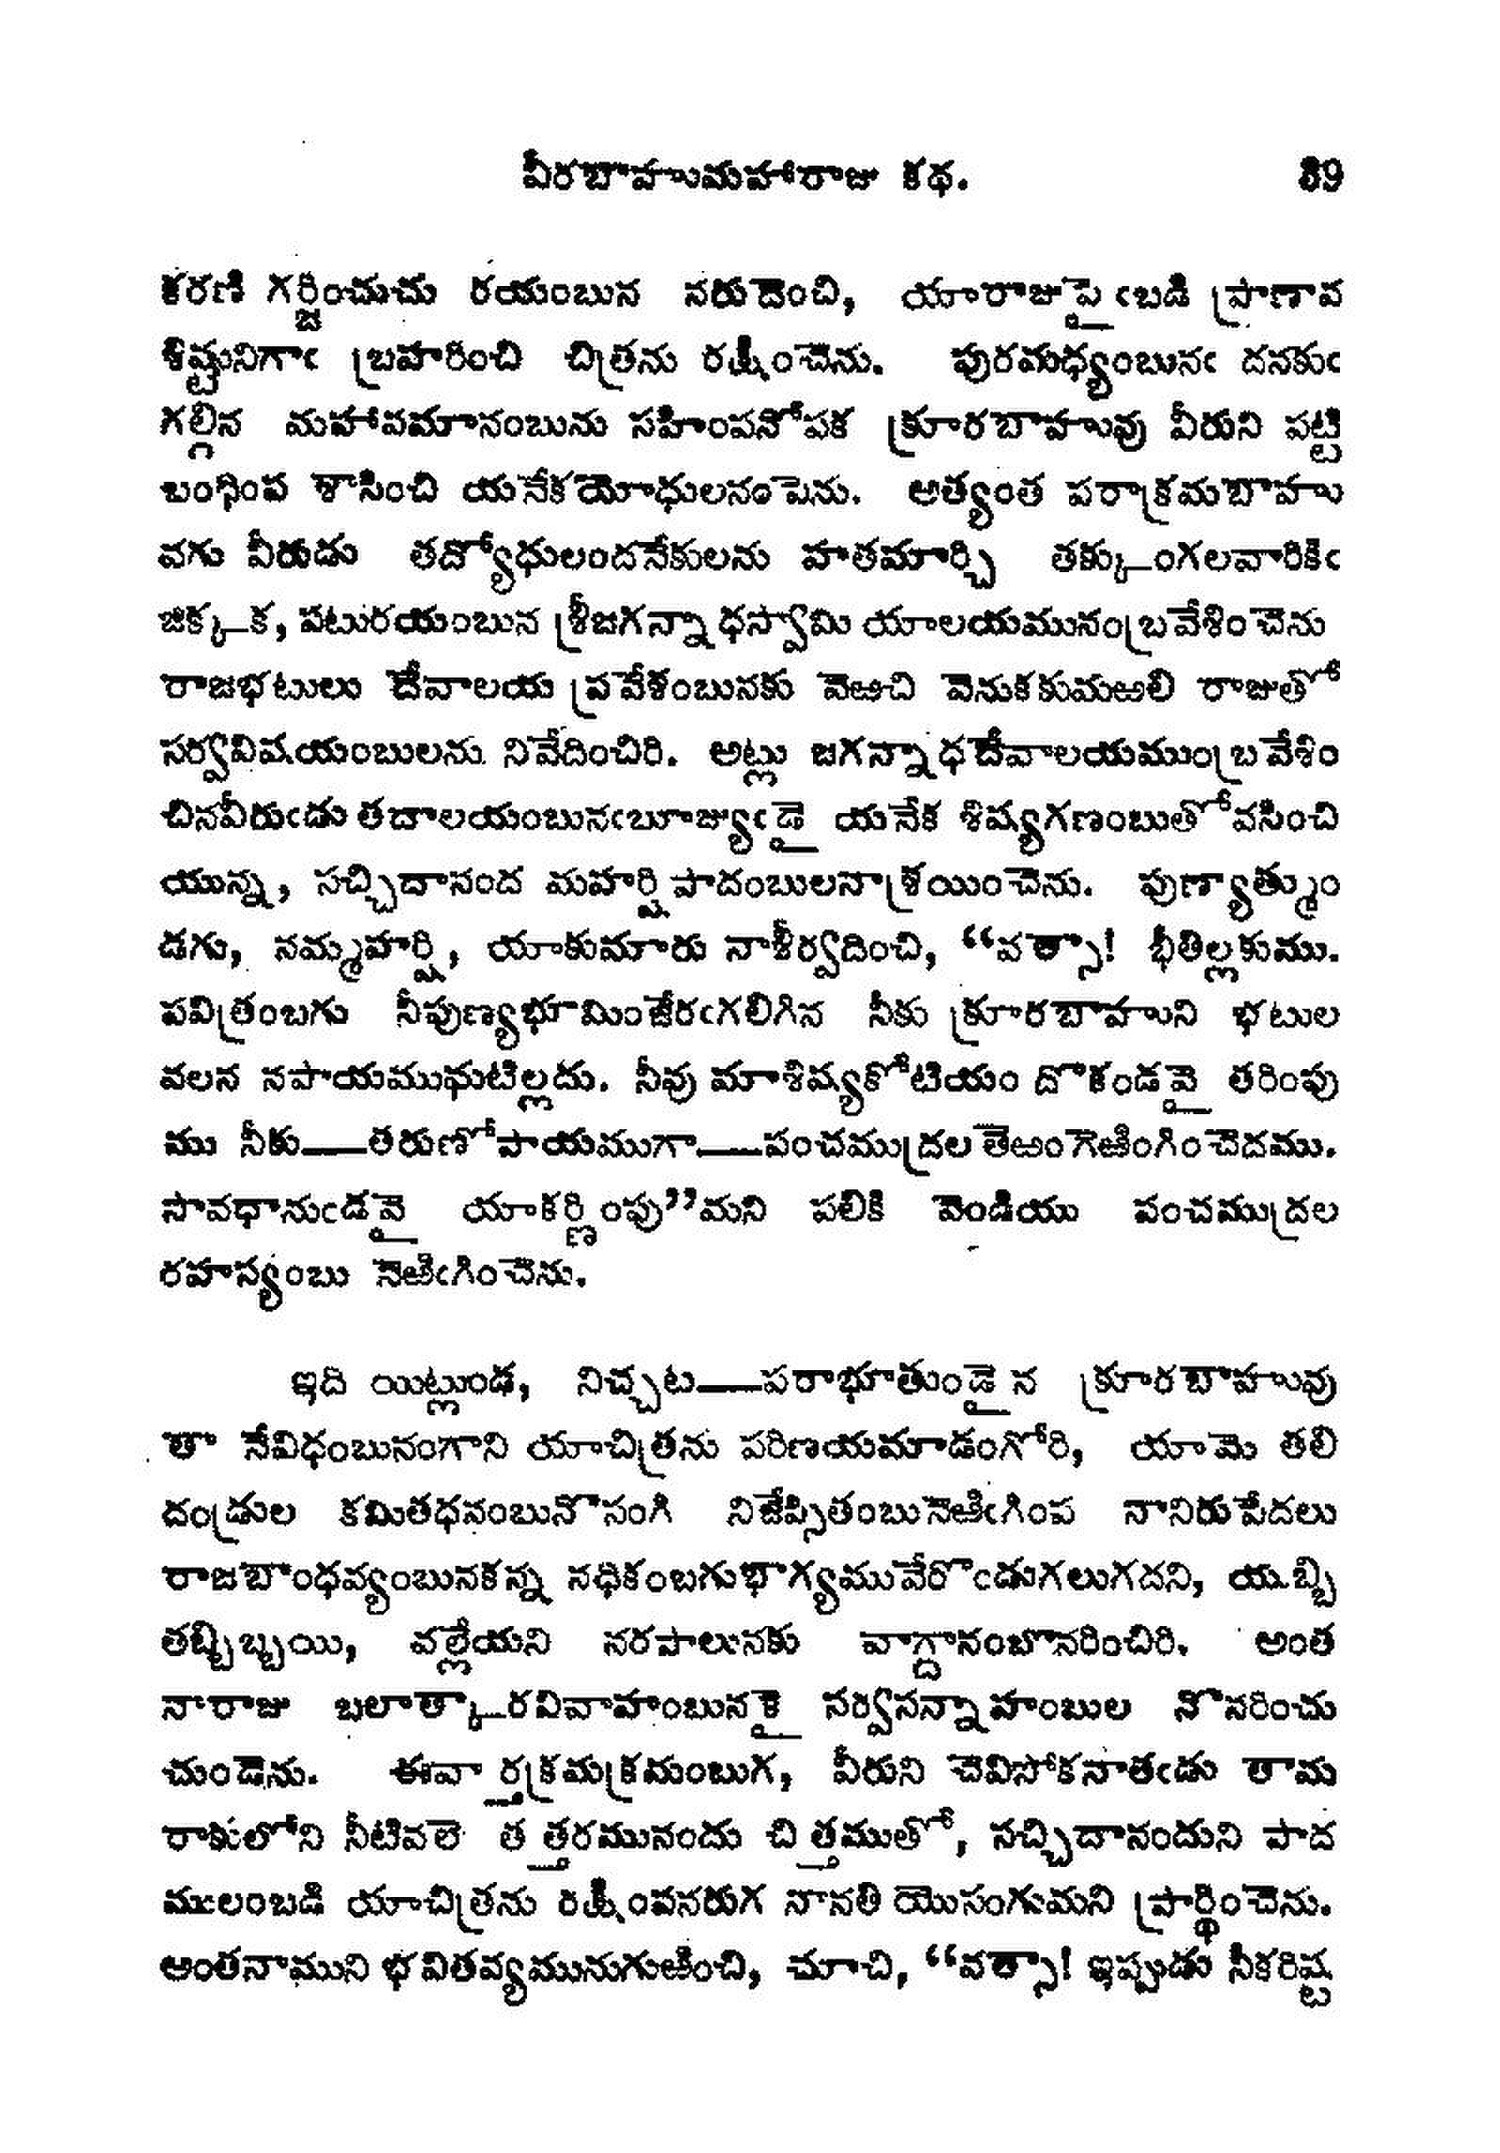కరణి గర్జించుచు రయంబున నరుదెంచి, యారాజు పైఁబడి ప్రాణావశిష్టునిగాఁ బ్రహరించి చిత్రను రక్షించెను.పురమధ్యంబునఁ దనకుఁ గల్గిన మహావమానంబును సహింపనోపక క్రూరబాహువు వీరుని పట్టి బంధింప శాసించి యనేక యోధులనంపెను. అత్యంత పరాక్రమబాహువగు వీరుడు తద్యోధులంద నేకులను హతమార్చి తక్కుంగలవారికిఁ జిక్కక, పటురయంబున శ్రీజగన్నాధస్వామి యాలయమునం బ్రవేశించెను. రాజభటులు దేవాలయ ప్రవేశంబునకు వెఱచి వెనుకకుమఱలి రాజుతో
సర్వవిషయంబులను. నివేదించిరి. అట్లు జగన్నాధ దేవాలయముంబ్రవేశించిన వీరుఁడు తదాలయంబునఁ బూజ్యుఁడై యనేక శిష్యగణంబుతో వసించి యున్న, సచ్చిదానంద మహర్షి పాదంబులనాశ్రయించెను. పుణ్యాత్ముండగు, నమ్మహర్షి, యాకుమారు నాశీర్వదించి, “వత్సా! భీతిల్లకుము. పవిత్రంబగు నీపుణ్యభూమిం జేరఁగలిగిన నీకు క్రూరబాహుని భటులవలన నపాయముఘటిల్లదు. నీవు మాశిష్యకోటియం దొకండవై తరింపుము నీకు——తరుణోపాయముగా——పంచముద్రల తెఱంగెఱింగించెదము. సావధానుఁడవై యాళర్ణింపు"మని పలికి వెండియు పంచముద్రల రహస్యంబు నెఱిఁగించెను.

ఇది యిట్లుండ, నిచ్చట——పరాభూతుండైన క్రూర బాహువు తానేవిధంబునంగాని యాచిత్రను పరిణయమాడంగోరి, యామె తలిదండ్రుల కమితధనంబునొసంగి నిజేప్సితంబు నెఱిఁగింప నానిరుపేదలు రాజబాంధవ్యంబునకన్న నధికంబగు భాగ్యము వేరొండుగలుగదని, యుబ్బి తబ్బిబ్బయి, వల్లేయని నరపాలునకు వాగ్దానంబొనరించిరి. అంత నారాజు బలాత్కార వివాహంబునకై సర్వసన్నాహంబుల నొనరించు చుండెను. ఈవార్త క్రమక్రమంబుగ, వీరుని చెవిసోకనాతఁడు తామరాకులోని నీటివలె తత్తరమునందు చిత్తముతో, సచ్చిదానందుని పాదమలంబడి యాచిత్రను రక్షింపనరుగ నానతి యొసంగుమని ప్రార్థించెను. అంతనాముని భవితవ్యమునుగుణించి, చూచి, “వత్సా! ఇప్పుడు నీకరిష్ట